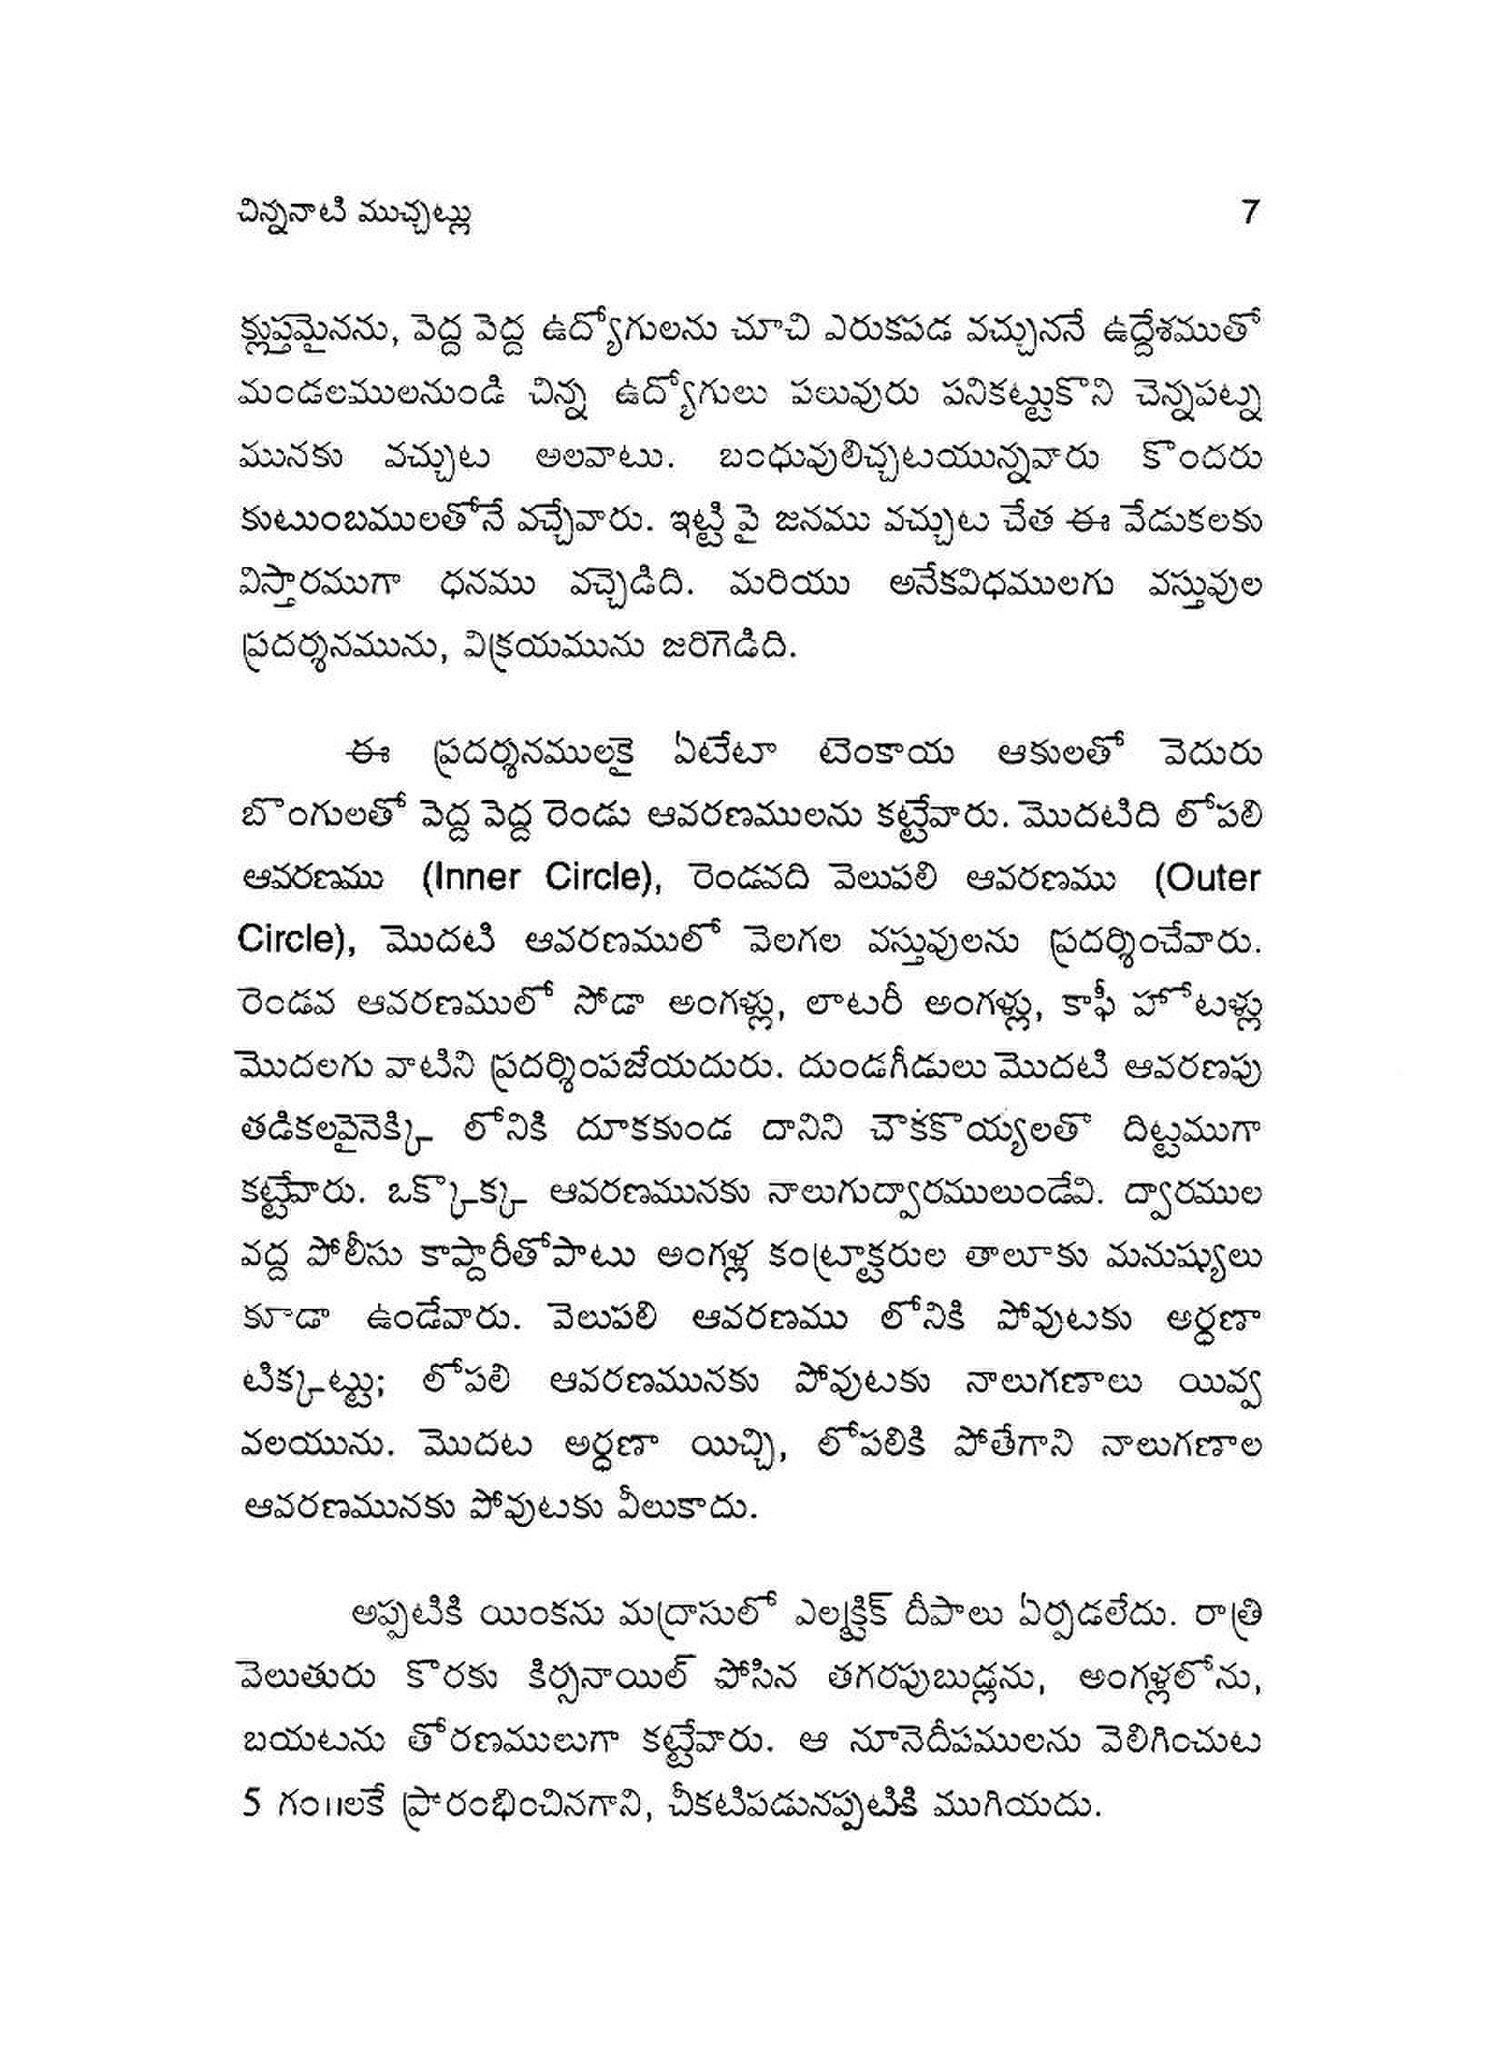క్లుప్తమైనను, పెద్ద పెద్ద ఉద్యోగులను చూచి ఎరుకపడ వచ్చుననే ఉద్దేశముతో మండలములనుండి చిన్న ఉద్యోగులు పలువురు పనికట్టుకొని చెన్నపట్నమునకు వచ్చుట అలవాటు. బంధువులిచ్చటయున్నవారు కొందరు కుటుంబములతోనే వచ్చేవారు. ఇట్టిపై జనము వచ్చుటచేత ఈ వేడుకలకు విస్తారముగా ధనము వచ్చెడిది. మరియు అనేకవిధములగు వస్తువుల ప్రదర్శనమును, విక్రయమును జరిగెడిది.

ఈ ప్రదర్శనములకై ఏటేటా టెంకాయ ఆకులతో వెదురు బొంగులతో పెద్ద పెద్ద రెండు ఆవరణములను కట్టేవారు. మొదటిది లోపలి ఆవరణము (Inner Circle), రెండవది వెలుపలి ఆవరణము (Outer Circle), మొదటి ఆవరణములో వెలగల వస్తువులను ప్రదర్శించేవారు. రెండవ ఆవరణములో సోడా అంగళ్లు, లాటరీ అంగళ్లు, కాఫీ హోటళ్లు మొదలగు వాటిని ప్రదర్శింపజేయుదురు. దుండగీడులు మొదటి ఆవరణపు తడికలపైనెక్కి లోనికి దూకకుండ దానిని చౌకకొయ్యలతో దిట్టముగా కట్టేవారు. ఒక్కొక్క ఆవరణమునకు నాలుగుద్వారములుండేవి. ద్వారముల వద్ద పోలీసు కాప్దారీతోపాటు అంగళ్ల కంట్రాక్టరుల తాలూకు మనుష్యులు కూడా ఉండేవారు. వెలుపలి ఆవరణము లోనికి పోవుటకు అర్ధణా టిక్కట్టు; లోపలి ఆవరణమునకు పోవుటకు నాలుగణాలు యివ్వవలయును. మొదట అర్ధణా యిచ్చి, లోపలికి పోతేగాని నాలుగణాల ఆవరణమునకు పోవుటకు వీలుకాదు.

అప్పటికి యింకను మద్రాసులో ఎలక్ట్రిక్ దీపాలు ఏర్పడలేదు. రాత్రి వెలుతురు కొరకు కిర్సనాయిల్ పోసిన తగరపుబుడ్లను, అంగళ్లలోను, బయటను తోరణములుగా కట్టేవారు. ఆ నూనెదీపములను వెలిగించుట 5 గం||లకే ప్రారంభించినగాని, చీకటిపడునప్పటికి ముగియదు.